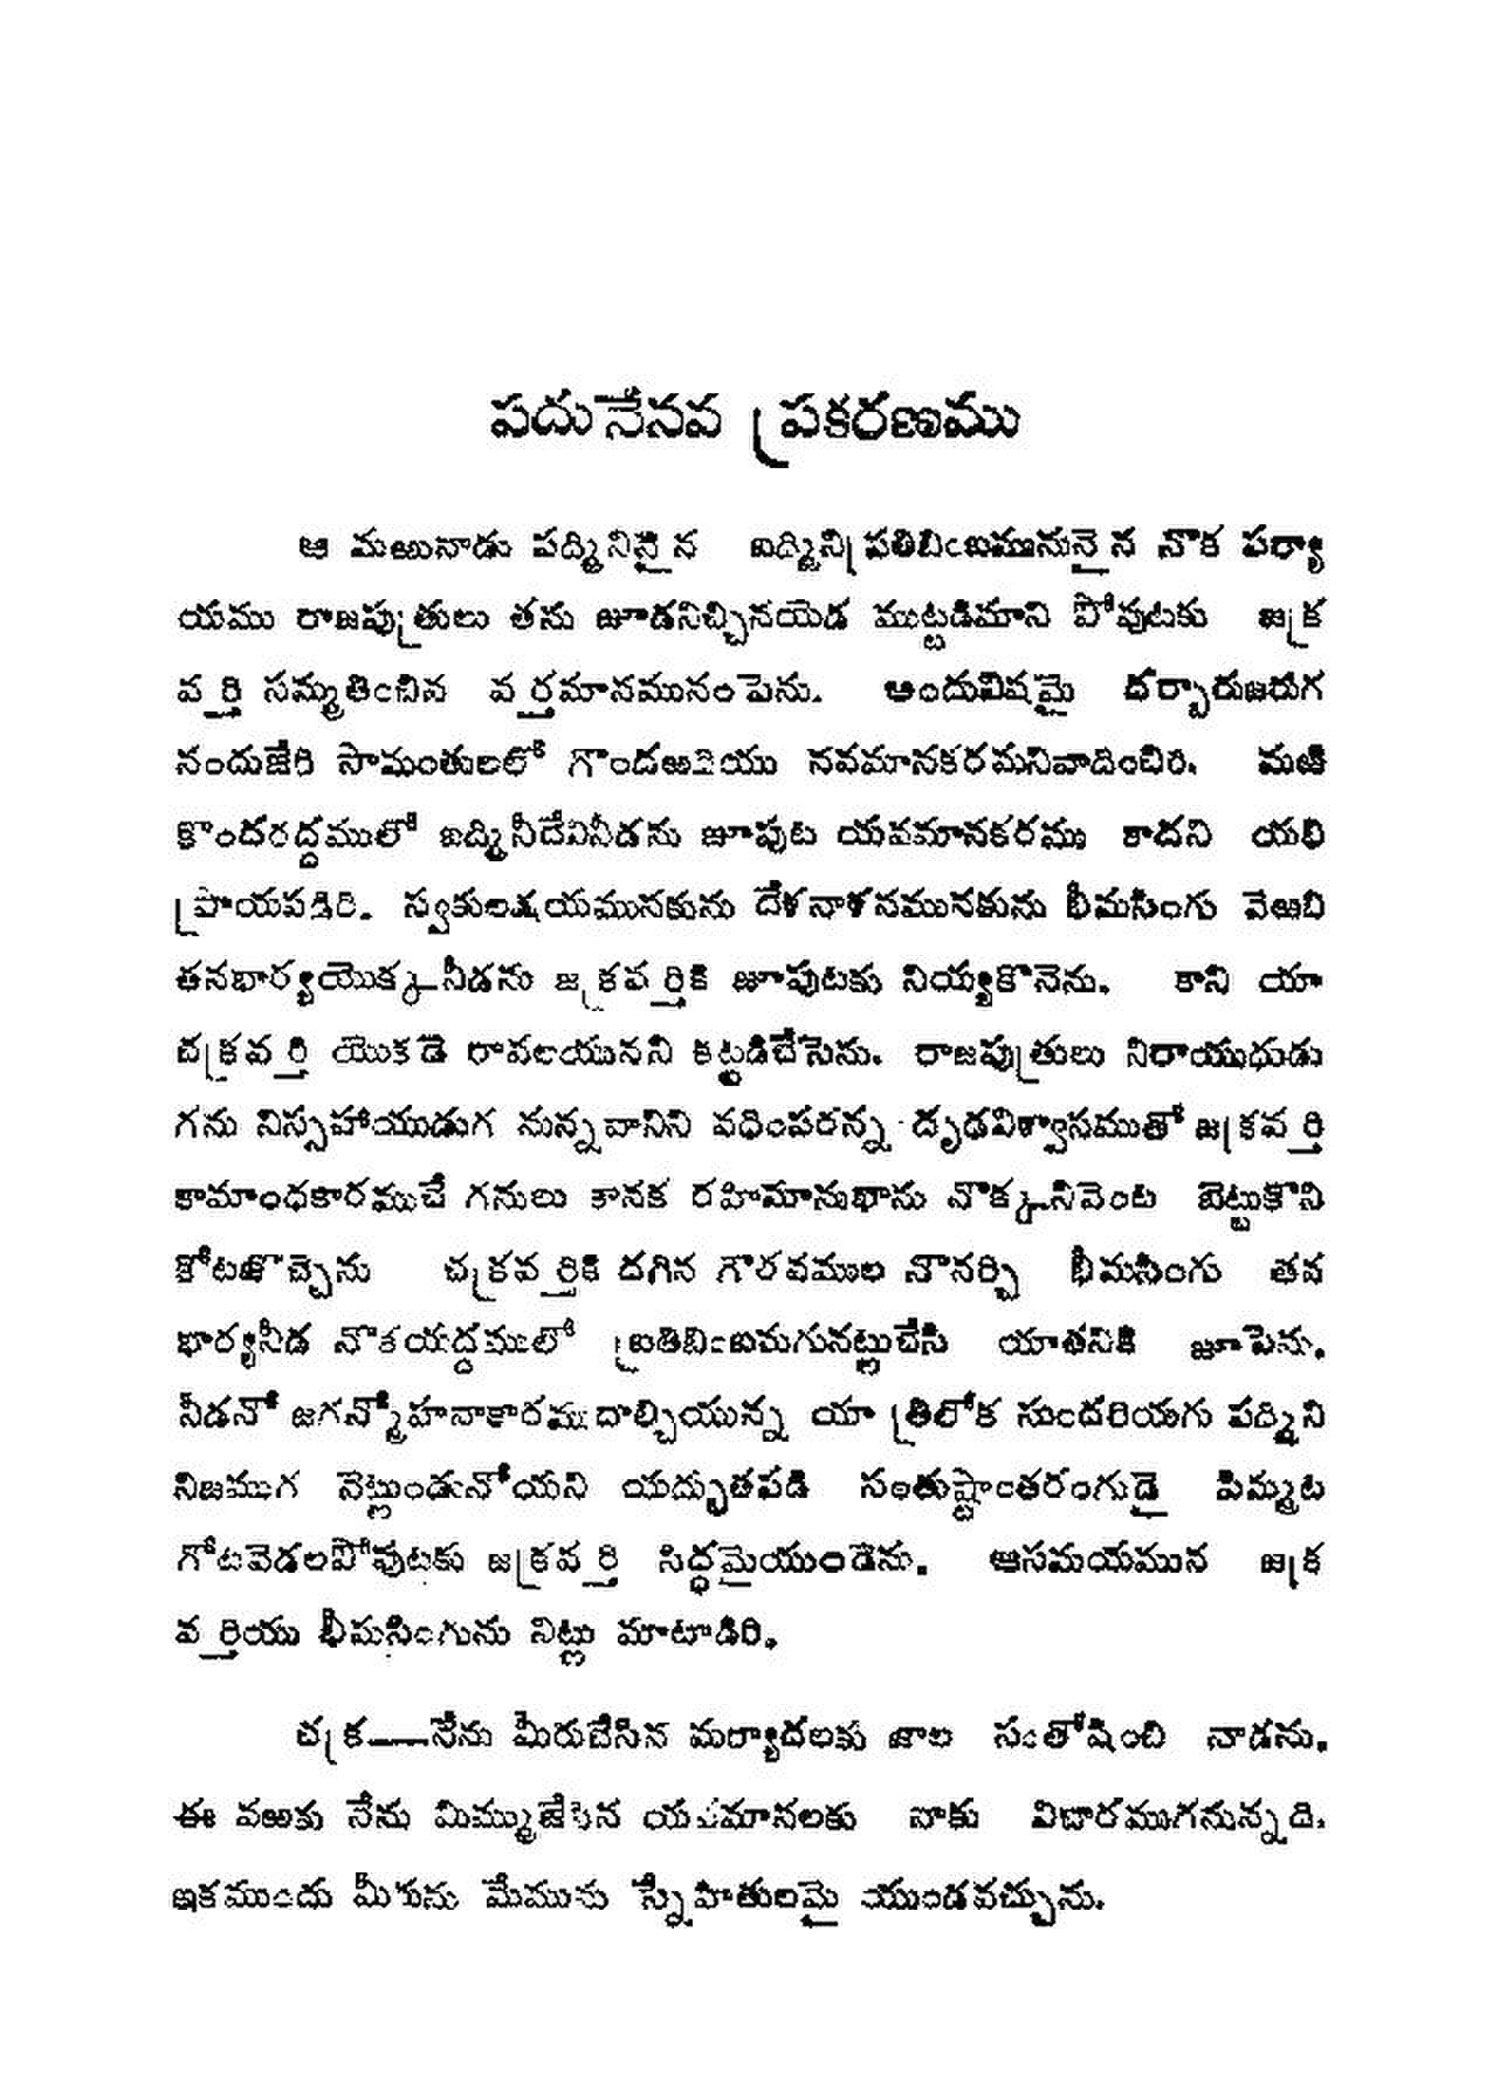ఆ మఱునాడు పద్మినినైన పద్మినిప్రతిబింబమునైన నొక పర్యాయము రాజపుత్రులు తను జూడనిచ్చినయెడ ముట్టడిమాని పోవుటకు జక్రవర్తి సమ్మతించిన వర్తమానమునంపెను. అందువిషయమై దర్బారుజరుగ నందుజేరి సామంతులతో గొందఱదియు నవమానకరమని వాదించిరి. మఱి కొందరద్దములో బద్మినీదేవినీడను జూపుట యవమానకరము కాదని యభిప్రాయపడిరి. స్వకులక్షయమునకును దేశనాశనమునకును భీమసింగు వెఱచి తనభార్యయొక్కనీడను జక్రవర్తికి జూపుటకు నియ్యకొనెను. కాని యా చక్రవర్తి యొకడె రావలయునని కట్టడిచేసెను. రాజపుత్రులు నిరాయుధుడుగను నిస్సహాయుడుగ నున్నవానిని వధింపరన్న దృఢవిశ్వాసముతో జక్రవర్తి కామాంధకారముచే గనులు కానక రహిమానుఖాను నొక్కని వెంటబెట్టుకొని కోటజొచ్చెను. చక్రవర్తికి దగిన గౌరవముల నొనర్చి భీమసింగు తన భార్యనీడ నొక యద్దములో బ్రతిబింబమగునట్లుచేసి యాతనికి జూపెను. నీడనో జగన్మోహనాకరము దాల్చియున్న యా త్రిలోకసుందరియగు పద్మిని నిజముగ నెట్లుండునోయని యద్భుతపడి సంతుష్టాంతరంగుడై పిమ్మట గోటవెడలిపోవుటకు జక్రవర్తి సిద్ధమైయుండెను. ఆసమయమున జక్రవర్తియు భీమసింగును నిట్లు మాటాడిరి.

చక్ర – నేను మీరుచేసిన మర్యాదలకు జాల సంతోషించి నాడను. ఈ వఱకు నేను మిమ్ముజేసిన యవమానములకు నాకు విచారమగుచున్నది. ఇక ముందు మీరును మేమును స్నేహితులమై యుండవచ్చును.